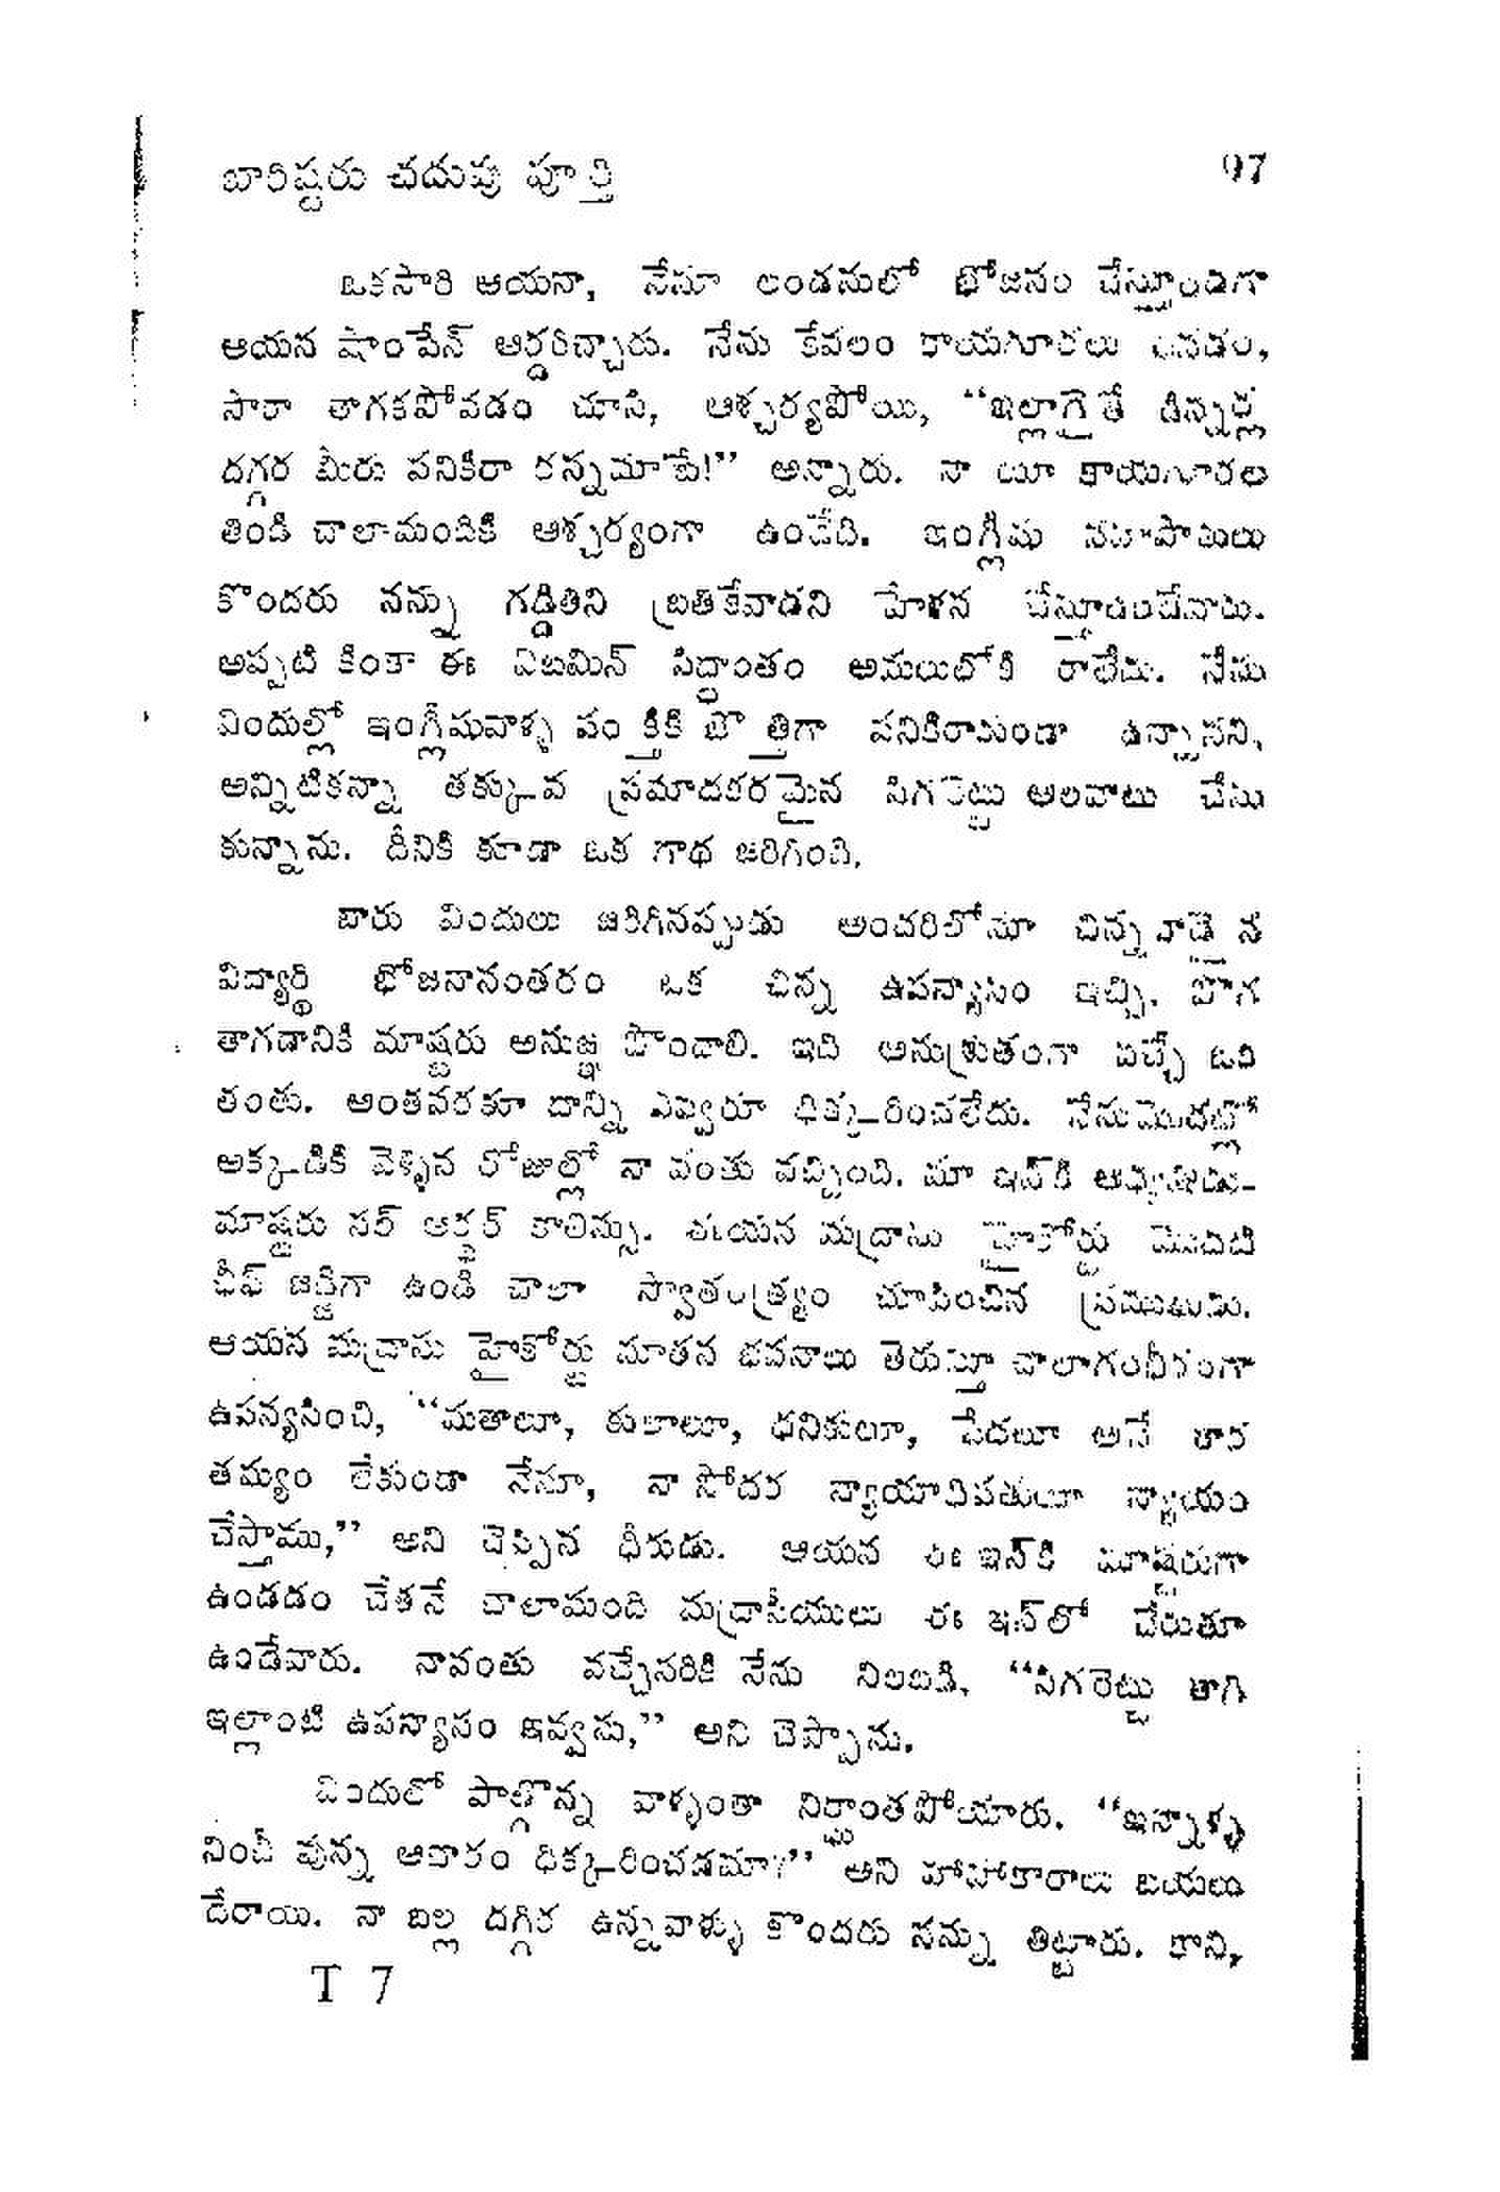ఒకసారి ఆయనా, నేనూ లండనులో భోజనం చేస్తూండగా ఆయన షాంపేన్ ఆర్డరిచ్చాడు. నేను కేవలం కాయగూరలు తినడం, సారా తాగకపోవడం చూసి, ఆశ్చర్యపోయి, "ఇల్లాగైతే డిన్నర్ల దగ్గర మీరు పనికిరా రన్నమాటే!" అన్నారు. నా యీ కాయగూరల తిండి చాలామందికి ఆశ్చర్యంగా ఉండేది. ఇంగ్లీషు సహపాఠులు కొందరు నన్ను గడ్డితిని బ్రతికేవాడని హేళన చేస్తూఉండేవారు. అప్పటి కింకా ఈ విటమిన్ సిద్ధాంతం అమలులోకి రాలేదు. నేను విందుల్లో ఇంగ్లీషువాళ్ళ పంక్తికి బొత్తిగా పనికిరాకుండా ఉన్నానని, అన్నిటికన్నా తక్కువ ప్రమాదకరమైన సిగరెట్టు అలవాటు చేసుకున్న్నాను. దీనికి కూడా ఒక గాథ జరిగింది.

బారు విందులు జరిగినప్పుడు అందరిలోనూ చిన్నవాడైన విద్యార్థి భోజనానంతరం ఒక చిన్న ఉపన్యాసం ఇచ్చి, పొగ తాగడానికి మాష్టరు అనుజ్ఞ పొందాలి. ఇది అనుశ్రుతంగా వచ్చే ఒకతంతు. అంతవరకూ దాన్ని ఎవ్వరూ ధిక్కరించలేదు. నేనుమొదట్లో అక్కడికి వెళ్ళిన రోజుల్లో నా వంతు వచ్చింది. మా ఇన్‌కి అధ్యక్షుడు - మాష్టరు సర్ ఆర్థర్ కాలిన్సు. ఈయన మద్రాసు హైకోర్టు మొదటి ఛీఫ్ జడ్జిగా ఉండి చాలా స్వాతంత్ర్యం చూపించిన ప్రముఖుడు. ఆయన మద్రాసు హైకోర్టు నూతన భవనాలు తెరుస్తూ చాలాగంభీరంగా ఉపన్యసించి, "మతాలు, కులాలూ, ధనికులూ, పేదలూ అనే తారతమ్యం లేకుండా నేనూ, నా సోదర న్యాయాధిపతులూ న్యాయం చేస్తాము," అని చెప్పిన ధీరుడు. ఆయన ఈ ఇన్‌కి మాష్టరుగా ఉండడం చేతనే చాలామంది మద్రాసీయులు ఈ ఇన్‌లో చేరుతూ ఉండేవారు. నావంతు వచ్చేసరికి నేను నిలబడి, "సిగరెట్టు తాగి ఇల్లాంటి ఉపన్యాసం ఇవ్వను," అని చెప్పాను.

విందులో పాల్గొన్న వాళ్ళంతా నిర్ఘాంతపోయారు. "ఇన్నాళ్ళ నించీ వున్న ఆచారం ధిక్కరించడమా?" అని హాహాకారాలు బయలుదేరాయి. నా బల్ల దగ్గిర ఉన్నవాళ్ళు కొందరు నన్ను తిట్టారు. కాని,